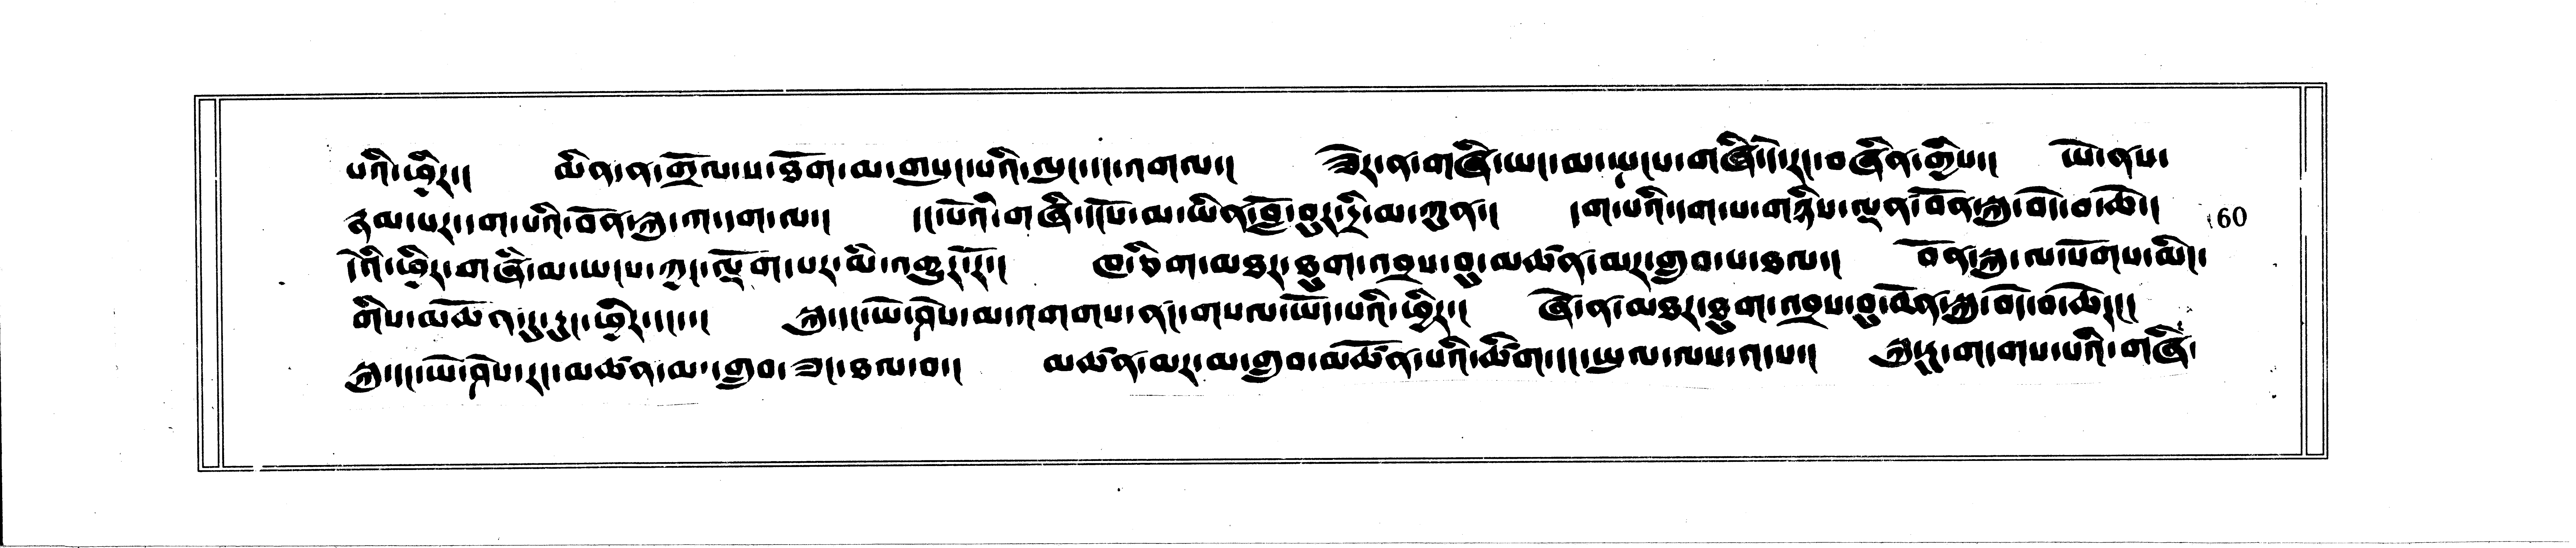པའི་ཕྱིར། །མིན་ན་གྲོལ་བ་ཐོག་མ་གསུངས་པའི་ལུང་དང་འགལ། །ཟེར་ན་གཞི་དེ་མ་སྤངས་གཞི་དེ་རང་བཞིན་གྱིས། །ཡེ་ནས་
རྣམ་པར་དག་པའི་བོན་སྐུ་ཀ་དག་ལ། །དང་པོའི་གཞི་དངོས་མ་ཡིན་གློ་བུར་དྲི་མ་ཀུན། །དག་པའི་དག་པ་གཉིས་ལྡན་བོན་སྐུ་བདེ་བ་ཆེ། །
དེའི་ཕྱིར་གཞི་མ་སྤངས་ཀྱང་ལྡོག་པར་མི་འགྱུར་རོ། །ཁ་ཅིག་མཐར་ཐུག་འབྲས་བུ་མཚན་མར་གྲུབ་པ་ཐལ། །བོན་སྐུ་ལ་སོགས་མིང་
གིས་མཚོན་དུ་རུང་ཕྱིར་དང་། །སྐུ་དང་ཡེ་ཤེས་མ་འགག་ནང་གསལ་ཡོད་པའི་ཕྱིར། །ཞེ་ན་མཐར་ཐུག་འབྲས་བུ་བོན་སྐུ་བདེ་བ་ཆེ། །
སྐུ་དང་ཡེ་ཤེས་རང་མཚན་མ་གྲུབ་ཟང་ཐལ་བ། །མཚན་མར་མ་གྲུབ་མཚོན་པའི་ཚིག་དང་ཡུལ་ལས་འདས། །སྐུ་རུ་གདགས་པའི་གཞི་